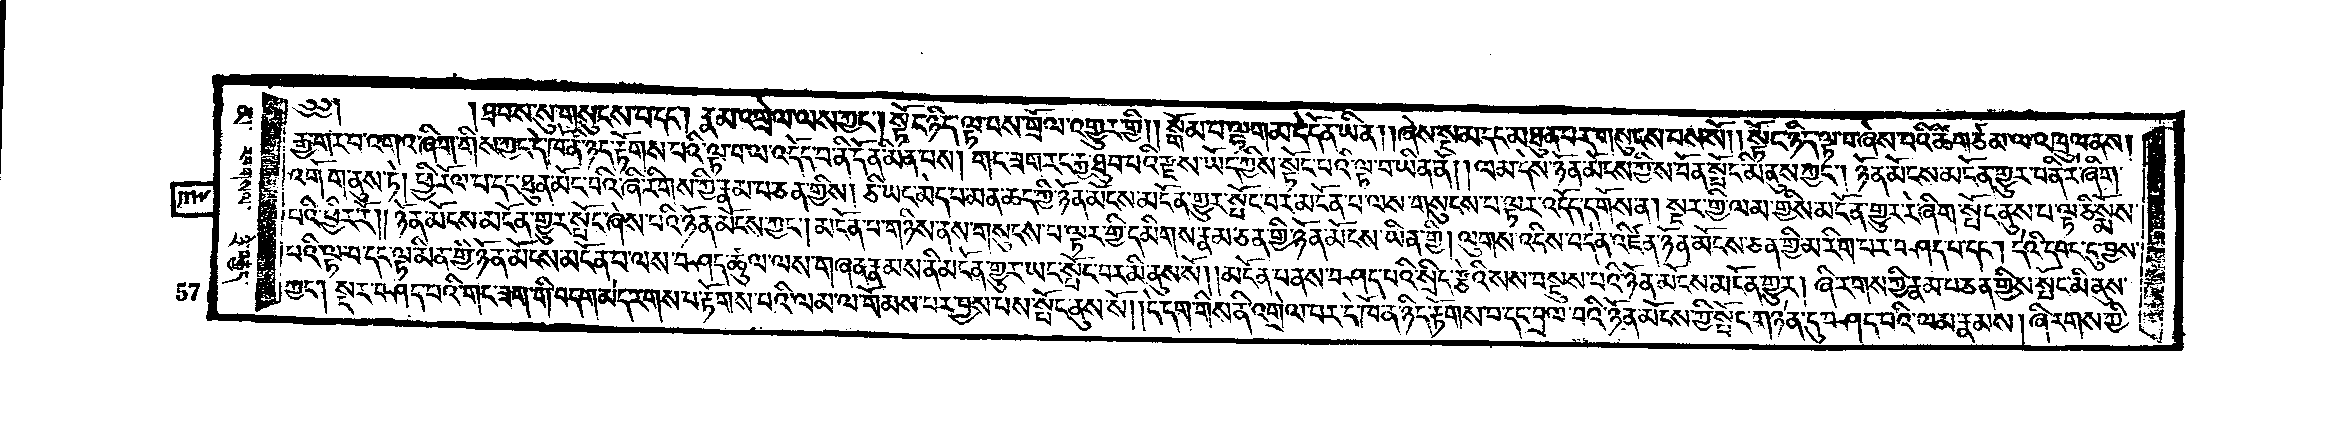༄༅། །ཐབས་སུ་གསུངས་པ་དང་། རྣམ་འགྲེལ་ལས་ཀྱང་། སྟོང་ཉིད་ལྟ་བས་གྲོལ་འགྱུར་གྱི། །སྒོམ་པ་ལྷག་མ་དེ་དོན་ཡིན། །ཞེས་སྔ་མ་དང་མཐུན་པར་གསུངས་པས་སོ། །སྟོང་ཉིད་ལྟ་བ་ཞེས་པའི་ཚིག་ཙམ་ལ་འཁྲུལ་ནས།
རྒྱ་གར་བ་འགའ་ཞིག་གིས་ཀྱང་དེ་ཁོ་ན་ཉིད་རྟོགས་པའི་ལྟ་བ་ལ་འདོད་པ་ནི་དོན་མིན་པས། གང་ཟག་རང་རྐྱ་ཐུབ་པའི་རྫས་ཡོད་ཀྱིས་སྟོང་པའི་ལྟ་བ་ཡིན་ནོ། །ལམ་དེས་ཉོན་མོངས་ཀྱི་ས་བོན་སྤོང་མི་ནུས་ཀྱང་། ཉོན་མོངས་མངོན་གྱུར་བ་ནི་རེ་ཞིག་
འགོག་ནུས་ཏེ། ཕྱི་རོལ་པ་དང་ཐུན་མོང་བའི་ཞི་རགས་ཀྱི་རྣམ་པ་ཅན་གྱིས། ཅི་ཡང་མེད་པ་མན་ཆད་ཀྱི་ཉོན་མོངས་མངོན་གྱུར་སྤོང་བར་མངོན་པ་ལས་གསུངས་པ་ལྟར་འདོད་དགོས་ན། སྔར་གྱི་ལམ་གྱིས་མངོན་གྱུར་རེ་ཞིག་སྤོང་ནུས་པ་ལྟ་ཅི་སྨོས་
པའི་ཕྱིར་རོ། །ཉོན་མོངས་མངོན་གྱུར་སྤོང་ཞེས་པའི་ཉོན་མོངས་ཀྱང་། མངོན་པ་གཉིས་ནས་གསུངས་པ་ལྟར་གྱི་དམིགས་རྣམ་ཅན་གྱི་ཉོན་མོངས་ཡིན་གྱི། ལུགས་འདིས་བདེན་འཛིན་ཉོན་མོངས་ཅན་གྱི་མ་རིག་པར་བཤད་པ་དང་། དེའི་དབང་དུ་བྱས་
པའི་ལྟ་བ་དང་ལྟ་མིན་གྱི་ཉོན་མོངས་མངོན་པ་ལས་བཤད་ཚུལ་ལས་གཞན་རྣམས་ནི་མངོན་གྱུར་ཡང་སྤོང་བར་མི་ནུས་སོ། །མངོན་པ་ནས་བཤད་པའི་སྲིད་རྩེའི་སས་བསྡུས་པའི་ཉོན་མོངས་མངོན་གྱུར། ཞི་རགས་ཀྱི་རྣམ་པ་ཅན་གྱིས་སྤོང་མི་ནུས་
ཀྱང་། སྔར་བཤད་པའི་གང་ཟག་གི་བདག་མེད་རགས་པ་རྟོགས་པའི་ལམ་ལ་གོམས་པར་བྱས་པས་སྤོང་ནུས་སོ། །དེ་དག་གིས་ནི་འགྲེལ་པར་དེ་ཁོ་ན་ཉིད་རྟོགས་པ་དང་བྲལ་བའི་ཉོན་མོངས་ཀྱི་སྤོང་གཉེན་དུ་བཤད་པའི་ལམ་རྣམས། ཞི་རགས་ཀྱི་